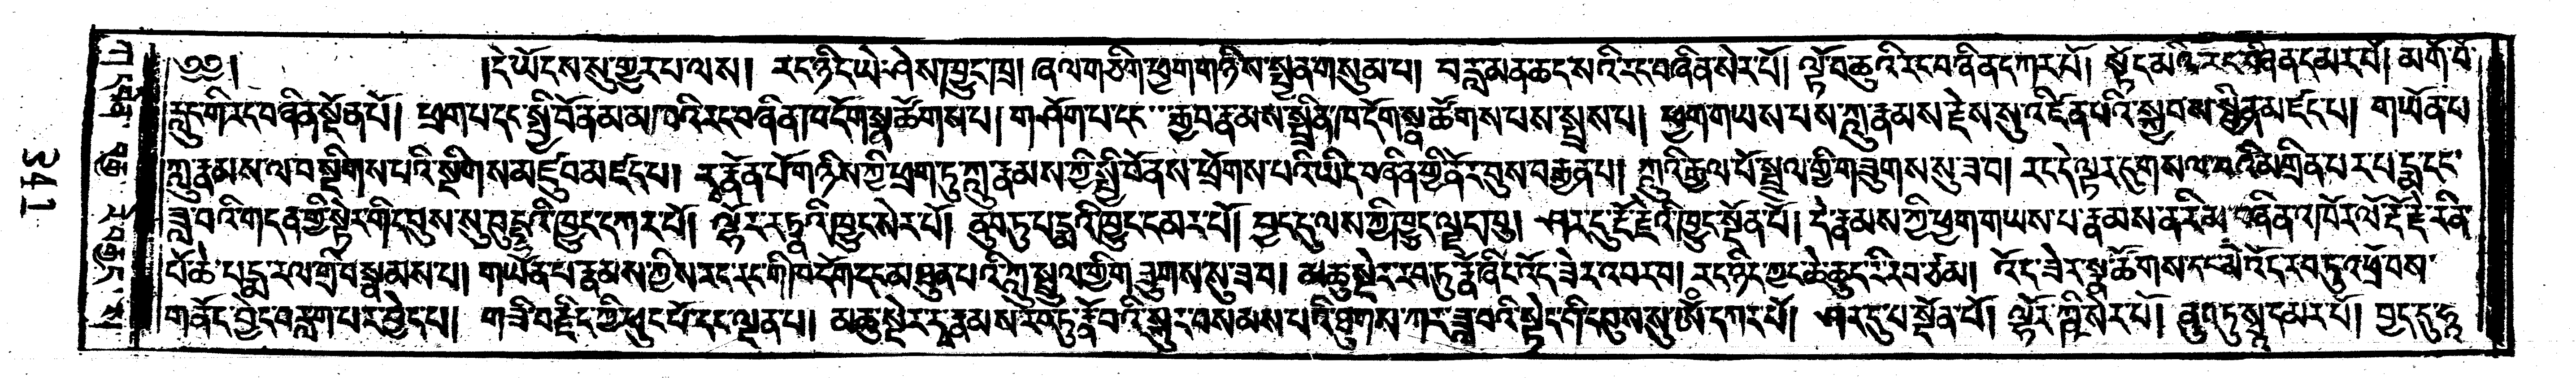༄༅། །དེ་ཡོངས་སུ་གྱུར་པ་ལས། རང་ཉིད་ཡེ་ཤེས་ཁྱུང་ཁྲ། ཞལ་གཅིག་ཕྱག་གཉིས་སྤྱན་གསུམ་པ། བརླ་མན་ཆད་སའི་རང་བཞིན་སེར་པོ། ལྟོ་བ་ཆུའི་རང་བཞིན་དཀར་པོ། སྟོད་མའི་རང་བཞིན་དམར་པོ། མགོ་བོ་
རླུང་གི་རང་བཞིན་སྔོན་པོ། ཕྲག་པ་དང་སྤྱི་བོ་ནམ་མཁའི་རང་བཞིན་ཁ་དོག་སྣ་ཚོགས་པ། གཤོག་པ་དང་རྒྱབ་རྣམས་སྤྲིན་ཁ་དོག་སྣ་ཚོགས་པས་སྤྲས་པ། ཕྱག་གཡས་པས་ཀླུ་རྣམས་རྗེས་སུ་འཛིན་པའི་སྐྱབས་སྦྱིན་མཛད་པ། གཡོན་པ་
ཀླུ་རྣམས་ལ་བསྡིགས་པའི་སྡིགས་མཛུབ་མཛད་པ། རྭ་རྣོན་པོ་གཉིས་ཀྱི་ཕྲག་ཏུ་ཀླུ་རྣམས་ཀྱི་སྤྱི་བོ་ནས་ཕྲོགས་པའི་ཡིད་བཞིན་གྱི་ནོར་བུས་བརྒྱན་པ། ཀླུའི་རྒྱལ་པོ་སྤྲུལ་གྱི་གཟུགས་སུ་ཟ་བ། རང་དེ་ལྟར་དུ་གསལ་བའི་མགྲིན་པར་པདམ་དང་
ཟླ་བའི་གདན་གྱི་སྟེར་གི་དབུས་སུ་བུདྡྷའི་ཁྱུང་དཀར་པོ། ལྷོར་རཏྣའི་ཁྱུང་སེར་པོ། ནུབ་ཏུ་པདམའི་ཁྱུང་དམར་པོ། བྱང་དུ་ལས་ཀྱི་ཁྱུང་ལྗང་ཁུ། ཤར་དུ་རྡོ་རྗེའི་ཁྱུང་སྔོན་པོ། དེ་རྣམས་ཀྱི་ཕྱག་གཡས་པ་རྣམས་ན་རིམ་བཞིན་འཁོར་ལོ་རྡོ་རྗེ་རིན་
པོ་ཆེ་པདམ་རལ་གྲི་བསྣམས་པ། གཡོན་པ་རྣམས་ཀྱིས་རང་རང་གི་ཁ་དོག་དང་མཐུན་པའི་ཀླུ་སྤྲུལ་གྱི་གཟུགས་སུ་ཟ་བ། མཆུ་སྡེར་རབ་ཏུ་རྣོ་ཞིང་འོད་ཟེར་འབར་བ། རང་ཉིད་ཀྱང་ཆེ་ཆུང་རི་རབ་ཙམ། འོད་ཟེར་སྣ་ཚོགས་དང་མེ་འོད་རབ་ཏུ་འཕྲོ་བས་
གནོད་བྱེད་བརླག་པར་བྱེད་པ། གཟི་བརྗིད་ཀྱི་ཕུང་པོ་དང་ལྡན་པ། མཆུ་སྡེར་རྭ་རྣམས་རབ་ཏུ་རྣོ་བའི་སྐུར་བསམས་པའི་ཐུགས་ཀར་ཟླ་བའི་སྟེང་གི་དབུས་སུ་ཨོཾ་དཀར་པོ། ཤར་དུ་པ་སྔོན་པོ། ལྷོར་ཀྵི་སེར་པོ། ནུབ་ཏུ་སྭཱ་དམར་པོ། བྱད་དུ་ཧཱ་